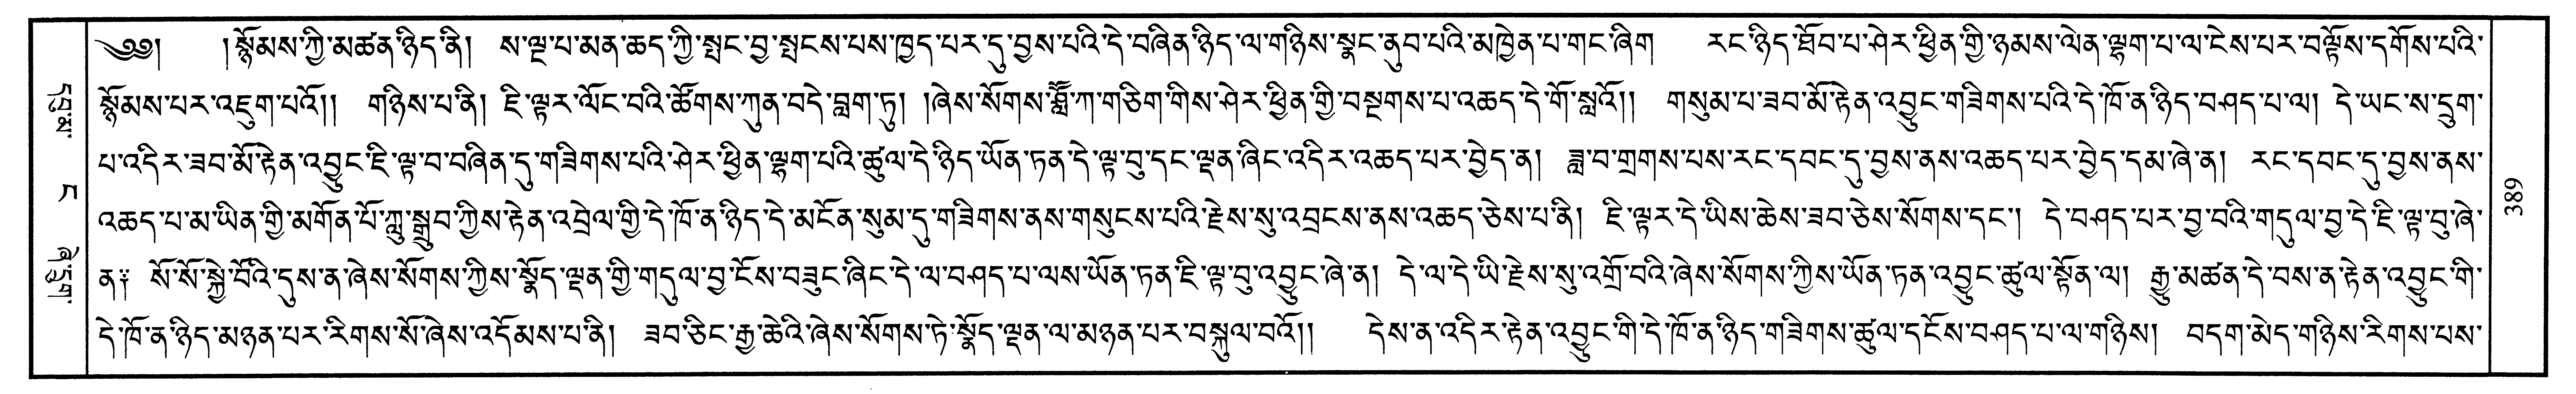༄༅། །སྙོམས་ཀྱི་མཚན་ཉིད་ནི། ས་ལྔ་པ་མན་ཆད་ཀྱི་སྤང་བྱ་སྤངས་པས་ཁྱད་པར་དུ་བྱས་པའི་དེ་བཞིན་ཉིད་ལ་གཉིས་སྣང་ནུབ་པའི་མཁྱེན་པ་གང་ཞིག །རང་ཉིད་ཐོབ་པ་ཤེར་ཕྱིན་གྱི་ཉམས་ལེན་ལྷག་པ་ལ་ངེས་པར་བལྟོས་དགོས་པའི་
སྙོམས་པར་འཇུག་པའོ།། གཉིས་པ་ནི། ཇི་ལྟར་ལོང་བའི་ཚོགས་ཀུན་བདེ་བླག་ཏུ། །ཞེས་སོགས་ཤླཽ་ཀ་གཅིག་གིས་ཤེར་ཕྱིན་གྱི་བསྔགས་པ་འཆད་དེ་གོ་སླའོ།། གསུམ་པ་ཟབ་མོ་རྟེན་འབྱུང་གཟིགས་པའི་དེ་ཁོ་ན་ཉིད་བཤད་པ་ལ། དེ་ཡང་ས་དྲུག་
པ་འདིར་ཟབ་མོ་རྟེན་འབྱུང་ཇི་ལྟ་བ་བཞིན་དུ་གཟིགས་པའི་ཤེར་ཕྱིན་ལྷག་པའི་ཚུལ་དེ་ཉིད་ཡོན་ཏན་དེ་ལྟ་བུ་དང་ལྡན་ཞིང་འདིར་འཆད་པར་བྱེད་ན། ཟླ་བ་གྲགས་པས་རང་དབང་དུ་བྱས་ནས་འཆད་པར་བྱེད་དམ་ཞེ་ན། རང་དབང་དུ་བྱས་ནས་
འཆད་པ་མ་ཡིན་གྱི་མགོན་པོ་ཀླུ་སྒྲུབ་ཀྱིས་རྟེན་འབྲེལ་གྱི་དེ་ཁོ་ན་ཉིད་དེ་མངོན་སུམ་དུ་གཟིགས་ནས་གསུངས་པའི་རྗེས་སུ་འབྲངས་ནས་འཆད་ཅེས་པ་ནི། ཇི་ལྟར་དེ་ཡིས་ཆེས་ཟབ་ཅེས་སོགས་དང་། དེ་བཤད་པར་བྱ་བའི་གདུལ་བྱ་དེ་ཇི་ལྟ་བུ་ཞེ་
ན༑ སོ་སོ་སྐྱེ་བོའི་དུས་ན་ཞེས་སོགས་ཀྱིས་སྣོད་ལྡན་གྱི་གདུལ་བྱ་ངོས་བཟུང་ཞིང་དེ་ལ་བཤད་པ་ལས་ཡོན་ཏན་ཇི་ལྟ་བུ་འབྱུང་ཞེ་ན། དེ་ལ་དེ་ཡི་རྗེས་སུ་འགྲོ་བའི་ཞེས་སོགས་ཀྱིས་ཡོན་ཏན་འབྱུང་ཚུལ་སྟོན་ལ། རྒྱུ་མཚན་དེ་བས་ན་རྟེན་འབྱུང་གི་
དེ་ཁོ་ན་ཉིད་མཉན་པར་རིགས་སོ་ཞེས་འདོམས་པ་ནི། ཟབ་ཅིང་རྒྱ་ཆེའི་ཞེས་སོགས་ཏེ་སྣོད་ལྡན་ལ་མཉན་པར་བསྐུལ་བའོ།། དེས་ན་འདིར་རྟེན་འབྱུང་གི་དེ་ཁོ་ན་ཉིད་གཟིགས་ཚུལ་དངོས་བཤད་པ་ལ་གཉིས། བདག་མེད་གཉིས་རིགས་པས་